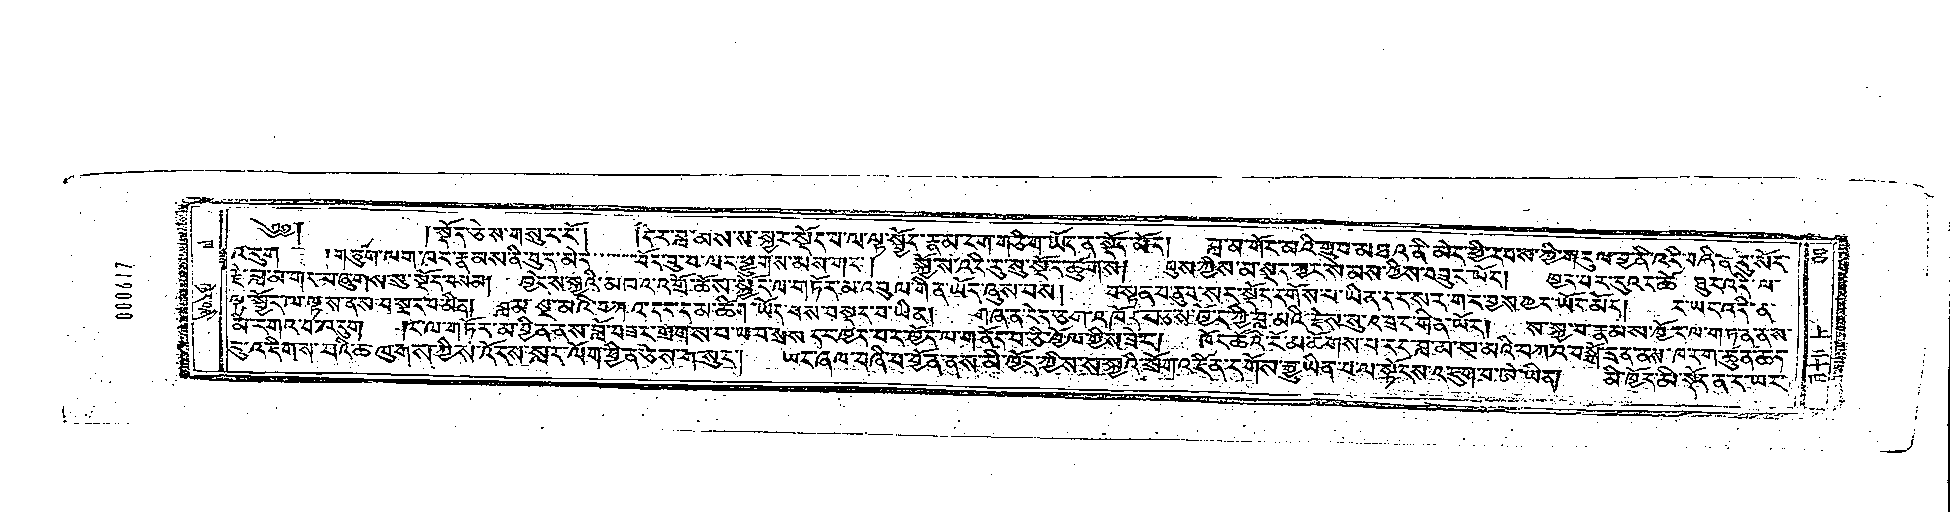༄༅། །སྡོད་ཅེས་གསུང་ངོ། །དེར་བླ་མས་ས་སྐྱར་སྡོང་བ་ལ་ལྷ་སྦྱོང་རྣམ་ངག་གཅིག་ཡོད་ན་སྡོད་མོང་། བླ་མ་གོང་མའི་གྲུབ་མཐའ་ནི་མེད་ཕྱི་རབས་ཀྱི་གདུལ་བྱ་ནི་འདི་བཞིན་དུ་སོང་
འདུག །གཙུག་ལག་ཁང་རྣམས་ནི་བུད་མེད་བོད་བུ་བ་ལང་ཕྱུགས་མས་གང་། སྐྱོས་འདི་རུ་སུ་སྔོད་ཚུགས། ལུས་ཀྱིས་མ་སྡང་ཀྱང་སེམས་ཀྱིས་བཟུང་ཡོད། ཁྱད་པར་དུའང་ཚེ་ཐུང་འདི་ལ་
རྗེ་བླ་མ་གང་པ་ཞུགས་སུ་སྡོང་བསམ། ཁྱེད་ས་སྐྱའི་མཁའ་འགྲོ་ཆོས་སྐྱོང་ལ་གཏོར་མ་འབུལ་གིན་ཡོད་ཞུས་བས། བསྟན་པ་ནུབ་སར་སྡོང་དགོས་པ་ཡིན་དང་སར་གང་བྱས་ཀྱང་ཡོད་མོད། ང་ཡང་འདི་ན་
ལྟ་སྤྱོད་ལ་ལྟས་ནས་བསྔར་བ་མིན། བླ་མ་སྔ་མའི་བཀའ་དང་དམ་ཚིག་ཡོད་པས་བསྡང་བ་ཡིན། གཞན་ངེད་ཅག་འཁོར་བཅས་ཁྱོད་ཀྱི་བླ་མའི་རྗེས་སུ་འབྲང་གིན་ཡོད། ས་སྐྱ་པ་རྣམས་ཁྱོད་ལ་གཏན་ནས་
མི་དགའ་བ་འདུག །ང་ལ་གཏོར་མ་བྱིན་ནས་བློ་བཟང་གྲགས་པ་ཡབ་སྲས་དང་ཁྱད་པར་ཁྱོད་ལ་གནོད་པ་ཅི་ཁྱོལ་གྱིས་ཟེར། ཁོང་ཚོའི་ངོ་མ་ཚོགས་པ་དང་བླ་མ་སྔ་མའི་བཀའ་བསྒོ་དྲན་ནས་ཁ་རག་ཚུན་ཆད་
དུ་འཇིགས་པའི་ཆ་ལུགས་ཀྱིས་འོངས་སླར་ལོག་ཕྱིན་ཅེས་གསུང་། ཡང་ཞལ་བཞི་པ་བྱོན་ནས་མི་ཁྱོད་ཀྱིས་ས་སྐྱའི་སྲོག་འཛིན་དགོས་རྒྱུ་ཡིན་པ་ལ་སྟོངས་འཇུག་བ་ཨེ་ཡིན། མི་ཁྱོད་མི་སྡོང་ན་ང་ཡང་